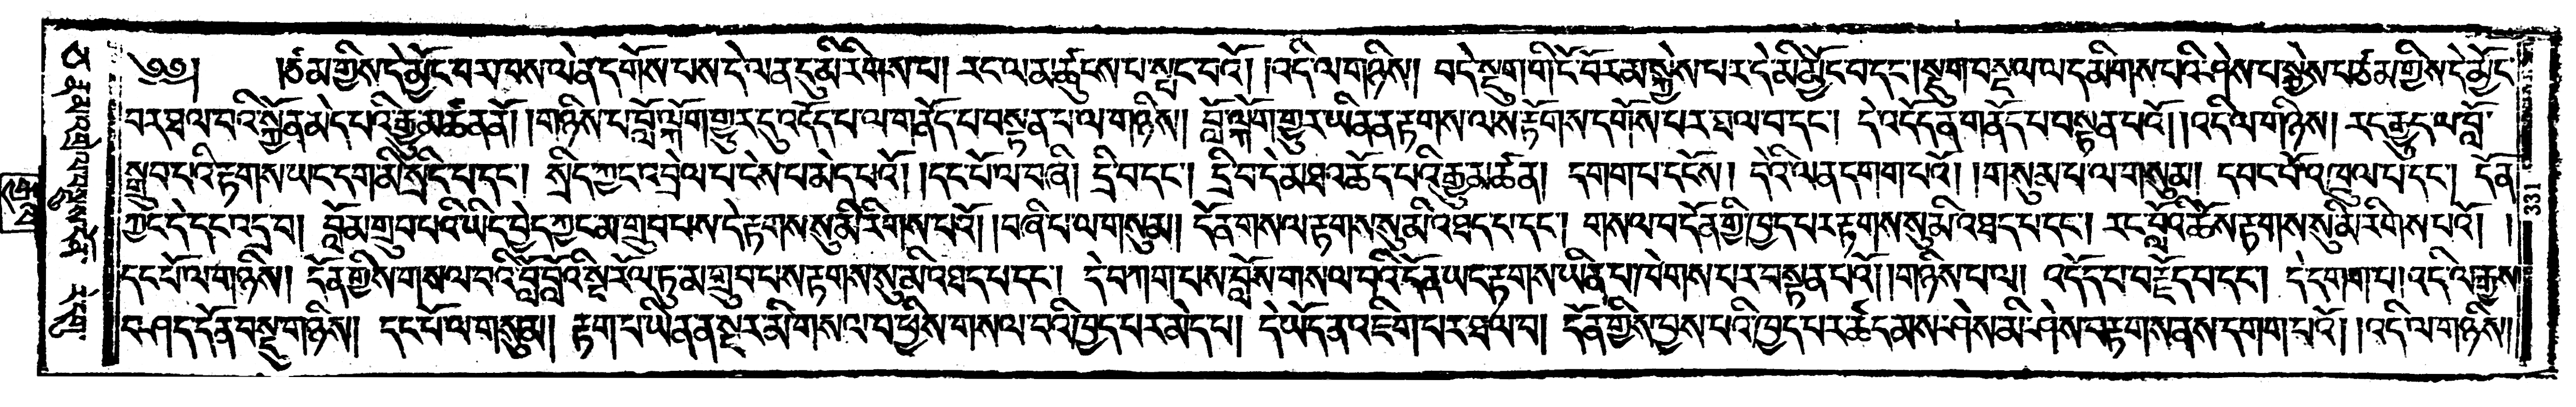༄༅། །ཙམ་གྱིས་དེ་མྱོང་བར་ཁས་ལེན་དགོས་པས་དེ་ལན་དུ་མི་རིགས་པ། རང་ལ་མཚུངས་པ་སྤང་བའོ། །འདི་ལ་གཉིས། བདེ་སྡུག་གི་ངོ་བོར་མ་སྐྱེས་པར་དེ་མི་མྱོང་བ་དང་། སྡུག་བསྔལ་ལ་དམིགས་པའི་ཤེས་པ་སྐྱེས་པ་ཙམ་གྱིས་དེ་མྱོང་
བར་ཐལ་བའི་སྐྱོན་མེད་པའི་རྒྱུ་མཚན་ནོ། །གཉིས་པ་བློ་ལྐོག་གྱུར་དུ་འདོད་པ་ལ་གནོད་པ་བསྟན་པ་ལ་གཉིས། བློ་ལྐོག་གྱུར་ཡིན་ན་རྟགས་ལས་རྟོགས་དགོས་པར་ཐལ་བ་དང་། དེ་འདོད་ན་གནོད་པ་བསྟན་པའོ། །འདི་ལ་གཉིས། རང་རྒྱུད་ལ་བློ་
སྒྲུབ་པའི་རྟགས་ཡང་དག་མི་སྲིད་པ་དང་། སྲིད་ཀྱང་འབྲེལ་པ་ངེས་པ་མེད་པའོ། །དང་པོ་ལ་བཞི། དྲི་བ་དང་། དྲི་བ་དེ་མཐའ་ཆོད་པའི་རྒྱུ་མཚན། དགག་པ་དངོས། དེའི་ལན་དགག་པའོ། །གསུམ་པ་ལ་གསུམ། དབང་པོ་འཁྲུལ་པ་དང་། དོན་
ཀྱང་དེ་དང་འདྲ་བ། བློ་མ་གྲུབ་པའི་ཡིད་བྱེད་ཀྱང་མ་གྲུབ་པས་དེ་རྟགས་སུ་མི་རིགས་པའོ། །བཞི་པ་ལ་གསུམ། དོན་གསལ་རྟགས་སུ་མི་འཐད་པ་དང་། གསལ་བ་དོན་གྱི་ཁྱད་པར་རྟགས་སུ་མི་འཐད་པ་དང་། རང་བློའི་ཆོས་རྟགས་སུ་མི་རིགས་པའོ། །
དང་པོ་ལ་གཉིས། དོན་གྱིས་གསལ་བའི་བློ་བློའི་སྔ་རོལ་ཏུ་མ་གྲུབ་པས་རྟགས་སུ་མི་འཐད་པ་དང་། དེ་བཀག་པས་བློས་གསལ་བའི་དོན་ཡང་རྟགས་ཡིན་པ་ཁེགས་པར་བསྟན་པའོ། །གཉིས་པ་ལ། འདོད་པ་བརྗོད་པ་དང་། དེ་དགག་པ། འདི་ལ་རྒྱས་
བཤད་དོན་བསྡུ་གཉིས། དང་པོ་ལ་གསུམ། རྟག་པ་ཡིན་ན་སྔར་མི་གསལ་བ་ཕྱིས་གསལ་བའི་ཁྱད་པར་མེད་པ། དེ་ཡོད་ན་འཇིག་པར་ཐལ་བ། དོན་གྱིས་བྱས་པའི་ཁྱད་པར་ཚད་མས་ཤེས་མི་ཤེས་བརྟགས་ནས་དགག་པའོ། །འདི་ལ་གཉིས།